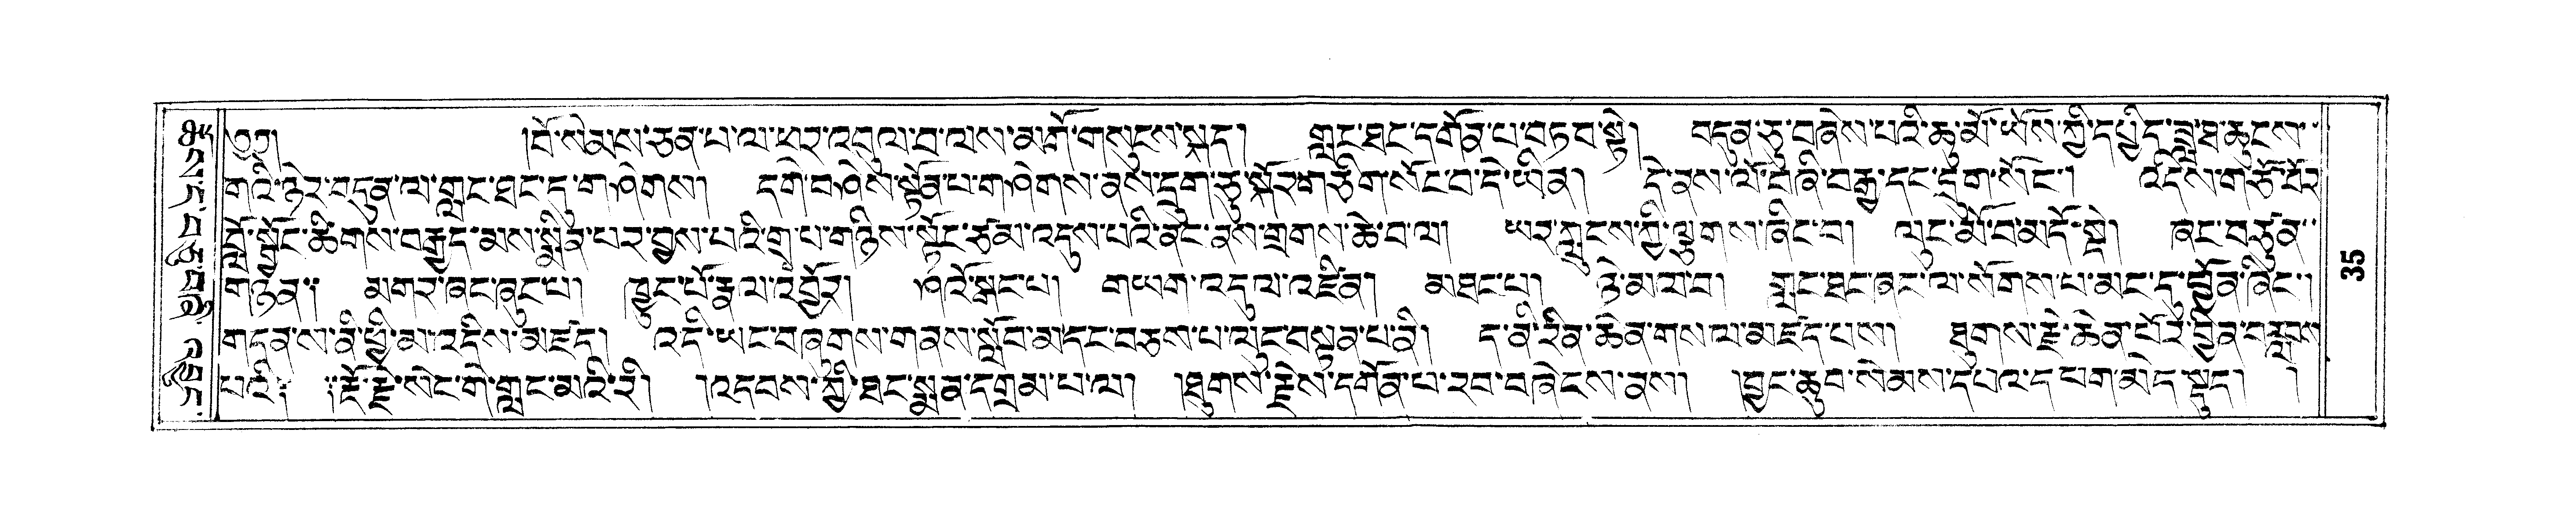༄༅། །བོ་སེམས་ཅན་པ་ལ་ཕར་འབུལ་བ་ལས་མགོ་གསུངས་སྐད། གླང་ཐང་དགོན་པ་བཏབ་སྟེ། བདུན་ཅུ་བཞེས་པའི་ཆུ་མོ་ཡོས་ཀྱི་དཔྱིད་ཟླ་ཐ་ཆུངས་
གའི་ཉེར་བདུན་ལ་གླང་ཐང་དུ་གཤེགས། དགེ་བཤེས་སྟོན་པ་གཤེགས་ནས་དྲུག་ཅུ་སྐོར་གཅིག་སོང་བ་དེ་ཡིན། དེ་ནས་ལོ་བཞི་བརྒྱ་དང་དྲུག་སོང་། འདིས་གཙོ་བོར་
བློ་སྦྱོང་ཚིགས་བརྒྱད་མས་སྨིན་པར་བྱས་པའི་གྲྭ་པ་གཉིས་སྟོང་ཙམ་འདུས་པའི་ནང་ནས་གྲགས་ཆེ་བ་ལ། ཡར་ཀླུངས་ཀྱི་ལྕགས་ཞིང་བ། ལུང་མོ་བ་མདོ་སྡེ། ཞང་བཙུན་
གཉན༑ མགར་ཞང་ཞུང་པ། ཁྱུང་པོ་རྣལ་འབྱོར། ཤའོ་སྒང་པ། གཡག་འདུལ་འཛིན། མཐང་པ། ཉེ་མལ་བ། གླང་ཐང་ཞང་ལ་སོགས་པ་མང་དུ་བྱོན་ཞིང་།
གདན་ས་ནི་ཕྱི་མ་འདིས་མཛད། འདི་ཡང་བཞུགས་གནས་སློབ་མ་དང་བཅས་པ་ལུང་བསྟན་པ་ནི། ད་ནི་རིན་ཆེན་གསལ་མཛད་པས། ཐུགས་རྗེ་ཆེན་པོར་བྱིན་བརླབས་
པའི༑ ༑རྡོ་རྗེ་སེང་གེ་གླང་མའི་རི། །འདབས་ཀྱི་ཐང་སྨན་དགྲམ་པ་ལ། །ཐུགས་རྗེས་དགོན་པ་རབ་བཞེངས་ནས། །བྱང་ཆུབ་སེམས་དཔའ་དཔག་མེད་སྡུད། །